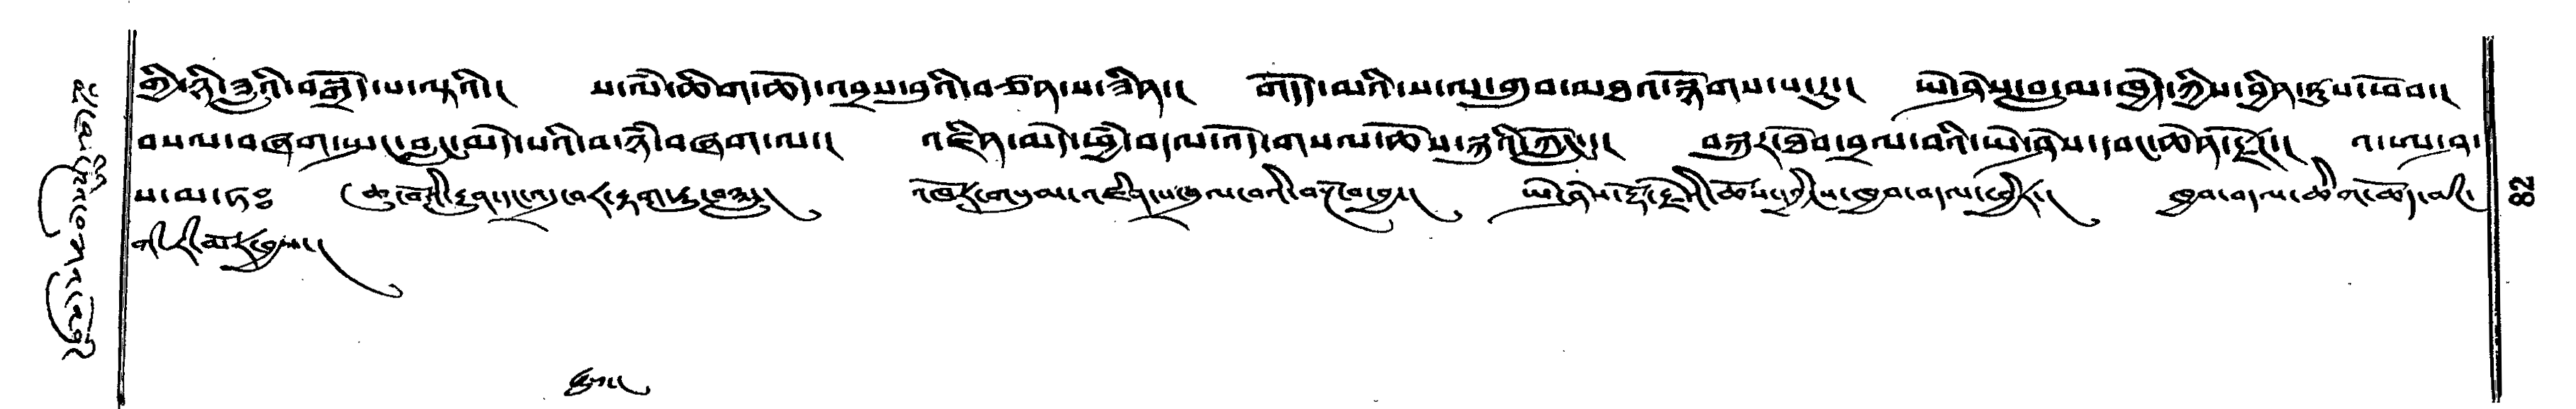གྱི་ཉི་ཟླའི་བགྲོད་པ་ལྟའི། །ས་ལམ་ཆིག་ཆོད་འབྲས་བུའི་བཙན་ས་ཟིན། །གདོད་མའི་ས་ལ་གྲུབ་མཐའ་སྙོགས་པ་རུ། །ཡེ་ཤེས་བླ་མ་ཁྱོད་ཀྱིས་བྱིན་ནུས་ཕོབ། །
བསལ་བཞག་སྤང་བླང་མེད་པའི་མཉམ་བཞག་ལ། །འཛིན་མེད་ཕྱམ་བརྡལ་འོད་གསལ་ཆོས་སྐུའི་ཀློང་། །བསྐུར་ཐོབ་བྲལ་བའི་ཡེ་ཤེས་དབང་ཆེན་རྫོགས། །འ་ཨ་ཤ་
ས་མ་ཧཿ ཆུ་བོའི་རྒྱུན་དང་འདྲ་བར་རྟག་ཏུ་བཟླ། འཁོར་གསུམ་འཛིན་པ་བྲལ་བའི་བསྔོ་བ་བྱ། །ཡེ་ཤེས་རྡོ་རྗེའི་ཆོས་དབྱིངས་ཁྱབ་བདལ་ཕྱིར། ཁྱབ་བདལ་ཚིག་ཆོད་མིང་
གི་རི་མོར་བྱས།། དགེའོ།།